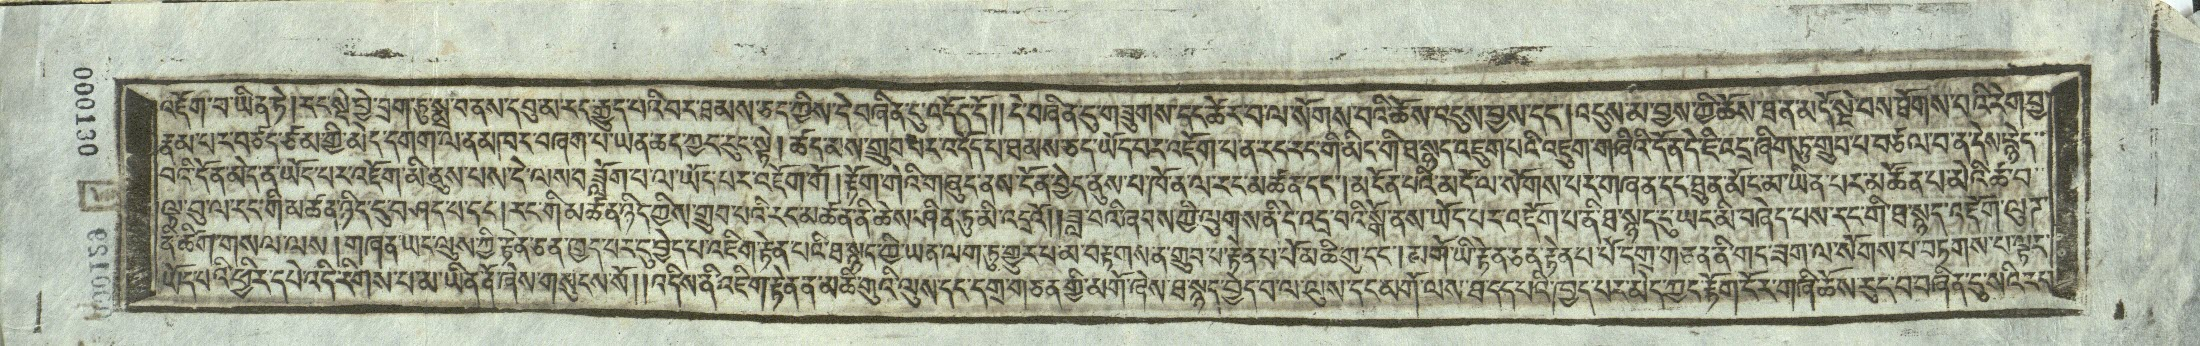འཇོག་པ་ཡིན་ཏེ། རང་སྡེ་བྱེ་བྲག་ཏུ་སྨྲ་བ་ནས་དབུ་མ་རང་རྒྱུད་པའི་བར་ཐམས་ཅད་ཀྱིས་དེ་བཞིན་དུ་འདོད་དོ། །དེ་བཞིན་དུ་གཟུགས་དང་ཚེར་བ་ལ་སོགས་པའི་ཆོས་འདུས་བྱས་དང་། འདུས་མ་བྱས་ཀྱི་ཆོས་ཐ་ན་མདོ་སྡེ་པས་ཐོགས་པའི་རེག་བྱ་
རྣམ་པར་བཅད་ཙམ་གྱི་མེད་དགག་ལ་ནམ་ཁར་བཞག་པ་ཡིན་ཆད་ཀྱང་རུང་སྟེ། ཚད་མས་གྲུབ་པར་འདོད་པ་ཐམས་ཅད་ཡོད་པར་འཇོག་པ་ན་རང་རང་གི་མིང་གི་ཐ་སྙད་འཇུག་པའི་འཇུག་གཞིའི་དོན་དེ་ཇི་འདྲ་ཞིག་ཏུ་གྲུབ་པ་བཙལ་བ་ན་དེས་རྙེད་
པའི་དོན་མེད་ན་ཡོད་པར་འཇོག་མི་ནུས་པས་དེ་ལས་བཟློག་པ་ལ་ཡོད་པར་འཇོག་གོ ། རྟོག་གེའི་གཞུང་ནས་དོན་བྱེད་ནུས་པ་ཁོ་ན་ལ་རང་མཚན་དང་། མངོན་པའི་མདོ་ལ་སོགས་པར་གཞན་དང་ཐུན་མོང་མ་ཡིན་པར་མཚོན་པ་མེའི་ཚ་བ་
ལྟ་བུ་ལ་རང་གི་མཚན་ཉིད་དུ་བཤད་པ་དང་། རང་གི་མཚན་ཉིད་ཀྱིས་གྲུབ་པའི་རང་མཚན་ནི་ཆེས་ཤིན་ཏུ་མི་འདྲའོ། །ཟླ་བའི་ཞབས་ཀྱི་ལུགས་ནི་དེ་འདྲ་བའི་སྒོ་ནས་ཡོད་པར་འཇོག་པ་ནི་ཐ་སྙད་དུ་ཡང་མི་བཞེད་པས་རང་གི་ཐ་སྙད་འཇོག་ལུགས་
ནི་ཚིག་གསལ་ལས། གཞན་ཡང་ལུས་ཀྱི་རྟེན་ཅན་ཁྱད་པར་དུ་བྱེད་པ་འཇིག་རྟེན་པའི་ཐ་སྙད་ཀྱི་ཡན་ལག་ཏུ་གྱུར་པ་མ་བརྟགས་ན་གྲུབ་པ་རྟེན་པ་པོ་མཆི་གུ་དང་། མགོ་ཡི་རྟེན་ཅན་རྟེན་པ་པོ་དག་གཅན་ནི་གང་ཟག་ལ་སོགས་པ་བཏགས་པ་ལྟར་
ཡོད་པའི་ཕྱིར་དཔེ་འདི་རིགས་པ་མ་ཡིན་ནོ་ཞེས་གསུངས་སོ། །འདིས་ནི་འཇིག་རྟེན་ན་མཆི་གུའི་ལུས་དང་དག་གཅན་གྱི་མགོ་ཞེས་ཐ་སྙད་བྱེད་པ་ལ་ལུས་དང་མགོ་ལས་ཐ་དད་པའི་ཁྱད་པར་མེད་ཀྱང་རྟོག་ངོར་གཞི་ཆོས་རུང་བ་བཞིན་དུ་སའི་རང་